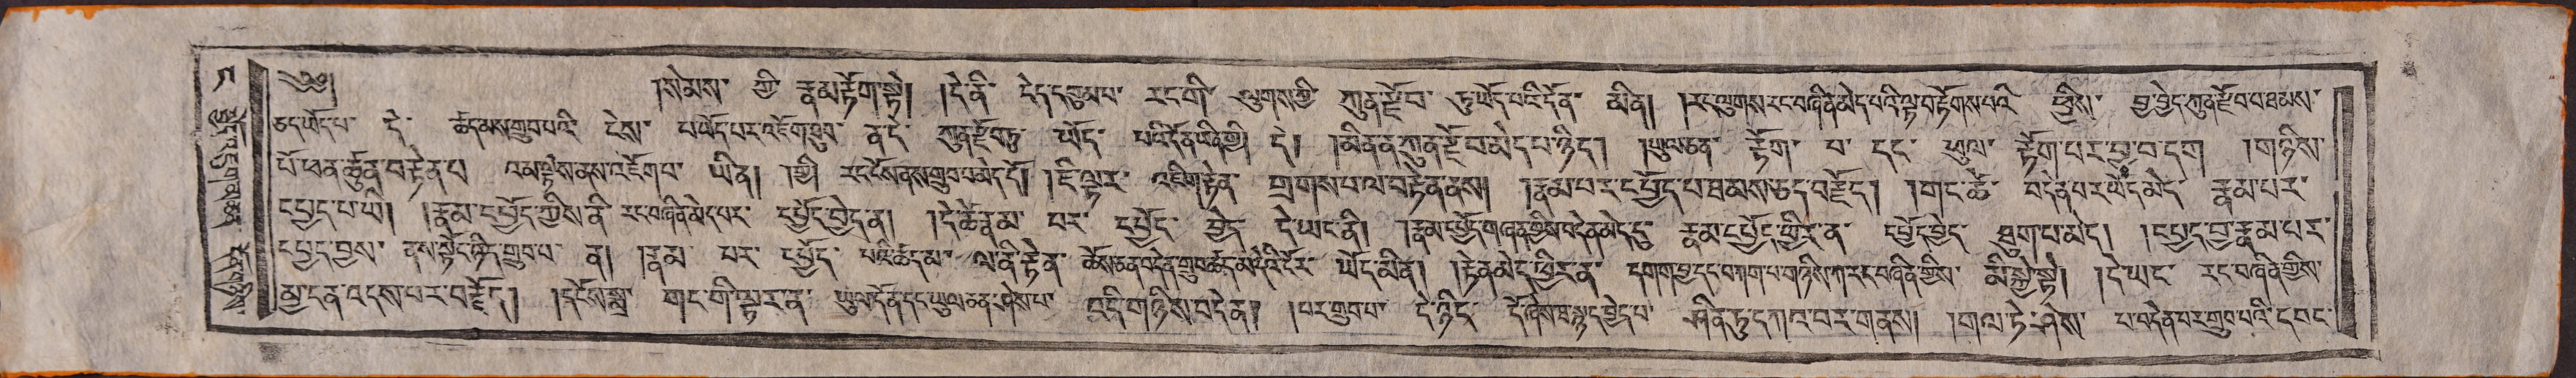༄༅། །སེམས་ཀྱི་རྣམ་རྟོག་སྟེ། །དེ་ནི་ངེད་དབུ་མ་པ་རང་གི་ལུགས་ཀྱི་ཀུན་རྫོབ་ཏུ་ཡོད་པའི་དོན་མིན། །རང་ལུགས་རང་བཞིན་མེད་པའི་ལྟ་བ་རྟོགས་པའི་ཕྱིས་བྱ་བྱེད་ཀུན་རྫོབ་བ་ཐམས།
ཅད་ཡོད་པ་དེ་ཚད་མས་གྲུབ་པའི་ངེས་པ་ཡོད་པར་འཇོག་ཐུབ་ན་དེ་ཀུན་རྫོབ་ཏུ་ཡོད་པའི་དོན་ཡིན་གྱི།  དེ། །མིན་ན་ཀུན་རྫོབ་མེད་པ་ཉིད། །ཡུལ་ཅན་རྟོག་པ་དང་ཡུལ་རྟོག་པར་བྱ་བ་དག །གཉིས་
པོ་ཕན་ཚུན་བརྟེན་པའམ་ལྟོས་ནས་འཇོག་པ་ཡིན། །གྱི།  རང་ངོས་ནས་གྲུབ་པ་མེད་དོ། །ཇི་ལྟར་འཇིག་རྟེན་གྲགས་པ་ལ་བརྟེན་ནས། །རྣམ་པར་དཔྱད་པ་ཐམས་ཅད་བརྗོད། །གང་ཚེ་བདེན་པར་ཡོད་མེད་རྣམ་པར་
དཔྱད་པ་ཡི། །རྣམ་དཔྱོད་ཀྱིས་ནི་རང་བཞིན་མེད་པར་དཔྱོད་བྱེད་ན། །དེ་ཚེ་རྣམ་པར་དཔྱོད་བྱེད་དེ་ཡང་ནི། རྣམ་དཔྱོད་གཞན་གྱིས་བདེན་མེད་དུ་རྣམ་དཔྱོད་ཕྱིར་ན་དཔྱོད་བྱེད་ཐུག་པ་མེད། །དཔྱད་བྱ་རྣམ་པར་
དཔྱད་བྱས་ནས་སྟོང་ཉིད་གྲུབ་པ་ན། །རྣམ་པར་དཔྱོད་པའི་ཚད་མ་ལ་ནི་རྟེན་ཆོས་ཅན་བདེན་གྲུབ་ཚད་མ་དེའི་ངོར་བ་ཡོད་མིན། །རྟེན་མེད་ཕྱིར་ན་དགག་བྱ་དང་བཀག་པ་གཉིས་ཀ་རང་བཞིན་གྱིས་མི་སྐྱེ་སྟེ། །དེ་ཡང་རང་བཞིན་གྱིས
མྱ་ངན་འདས་པར་བརྗོད། །དངོས་སྨྲ་གང་གི་ལྟར་ན་ཡུལ་དོན་དང་ཡུལ་ཅན་ཤེས་པ་འདི་གཉིས་བདེན། །པར་གྲུབ་པ་དེ་ཉིད་དོ་ཞེས་ཐ་སྙད་བྱེད་པ་ཤིན་ཏུ་དཀའ་པར་གནས། །གལ་ཏེ་ཤེས་པ་བདེན་པར་གྲུབ་པའི་དབང་